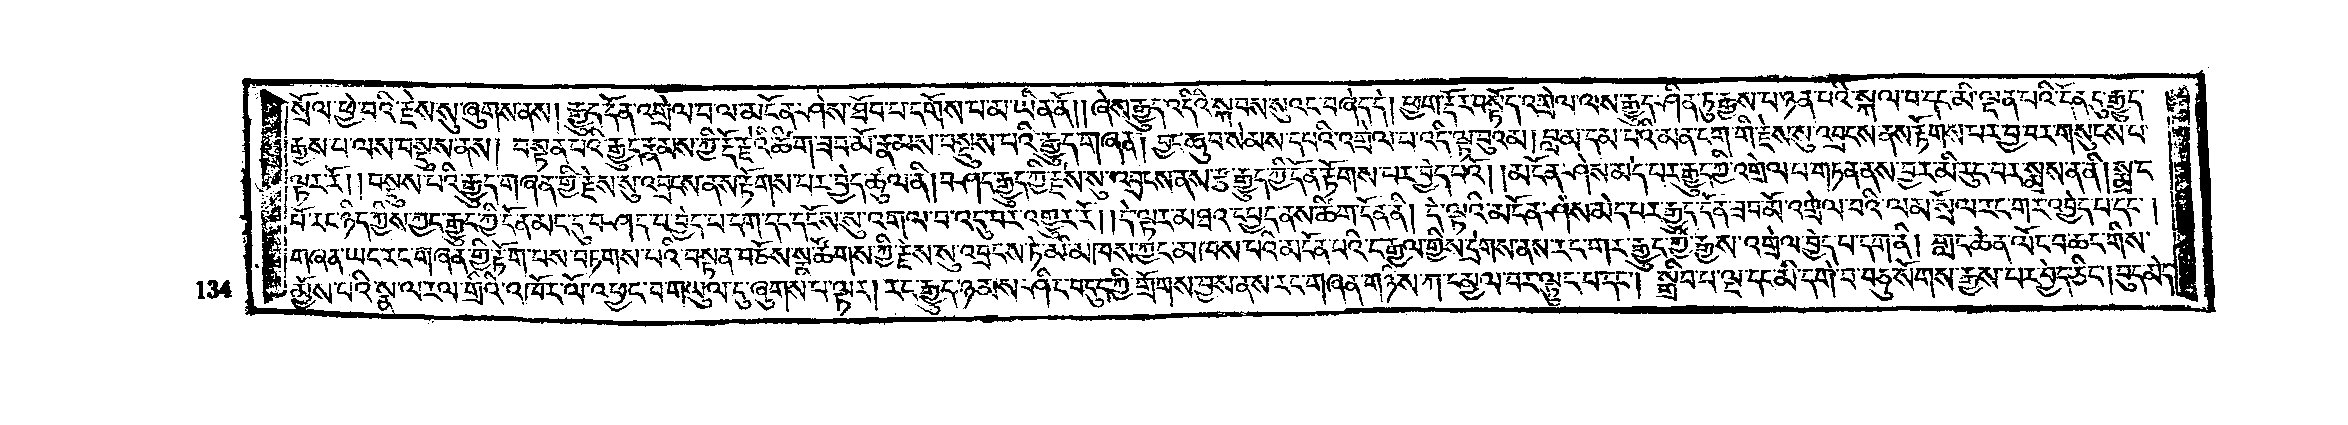སྲོལ་ཕྱེ་བའི་རྗེས་ས་ཞུགས་ནས། རྒྱུད་དོན་འགྲེལ་བ་ལ་མངོན་ཤེས་ཐོབ་པ་དགོས་པ་མ་ཡིན་ནོ། །ཞེས་རྒྱུད་འདིའི་སྐབས་སུའང་བཞེད་དེ། ཕྱག་རྡོར་བསྟོད་འགྲེལ་ལས་རྒྱུད་ཤིན་ཏུ་རྒྱས་པ་ཉན་པའི་སྐལ་བ་དང་མི་ལྡན་པའི་དོན་དུ་རྒྱུད་
རྒྱས་པ་ལས་བསྡུས་ནས། བསྟན་པའི་རྒྱུད་རྣམས་ཀྱི་རྡོ་རྗེའི་ཚིག་ཟབ་མོ་རྣམས་བསྡུས་པའི་རྒྱུད་གཞན། བྱང་ཆུབ་སེམས་དཔའི་འགྲེལ་པ་འདི་ལྟ་བུའམ། བླ་མ་དམ་པའི་མན་ངག་གི་རྗེས་སུ་འབྲངས་ནས་རྟོགས་པར་བྱ་བར་གསུངས་པ་
ལྟར་རོ། །བསྡུས་པའི་རྒྱུད་གཞན་གྱི་རྗེས་སུ་འབྲངས་ནས་རྟོགས་པར་བྱེད་ཚུལ་ནི། བཤད་རྒྱུད་ཀྱི་རྗེས་སུ་འབྲངས་ནས་རྩ་རྒྱུད་ཀྱི་དོན་རྟོགས་པར་བྱེད་པའོ། །མངོན་ཤེས་མེད་པར་རྒྱུད་ཀྱི་འགྲེལ་པ་གཏན་ནས་བྱར་མི་རུང་བར་སྨྲས་ན་ནི། སྨྲ་བ་
པོ་རང་ཉིད་ཀྱིས་ཀྱང་རྒྱུད་ཀྱི་དོན་མང་དུ་བཤད་པ་བྱེད་པ་དག་དང་དངོས་སུ་འགལ་བ་འདུ་བར་འགྱུར་རོ། །དེ་ལྟར་མཐའ་དཔྱད་ནས་ཚིག་དོན་ནི། དེ་ལྟའི་མངོན་ཤེས་མེད་པར་རྒྱུད་དོན་ཟབ་མོ་འགྲེལ་པའི་ལམ་སྲོལ་རང་གར་འབྱེད་པ་དང་།
གཞན་ཡང་རང་གཞན་གྱི་རྟོག་པས་བཏགས་པའི་བསྟན་བཅོས་སྣ་ཚོགས་ཀྱི་རྗེས་སུ་འབྲངས་ཏེ་མི་མཁས་ཀྱང་མཁས་པའི་མངོན་པའི་ང་རྒྱལ་གྱིས་དྲེགས་ནས་རང་གར་རྒྱུད་ཀྱི་རྒྱས་འགྲེལ་བྱེད་པ་དག་ནི། གླང་ཆེན་ལོང་བ་ཆང་གིས་
མྱོས་པའི་སྣ་ལ་རལ་གྲིའི་འཁོར་ལོ་འཕྱང་བ་གཡུལ་དུ་ཞུགས་པ་ལྟར། རང་རྒྱུད་ཉམས་ཤིང་བདུད་ཀྱི་གྲོགས་བྱས་ནས་རང་གཞན་གཉིས་ཀ་དམྱལ་བར་ལྟུང་བ་དང་། སྒྲིབ་པ་ལྔ་དང་མི་དགེ་བ་བཅུ་སོགས་རྒྱས་པར་བྱེད་ཅིང་། བུད་མེད་